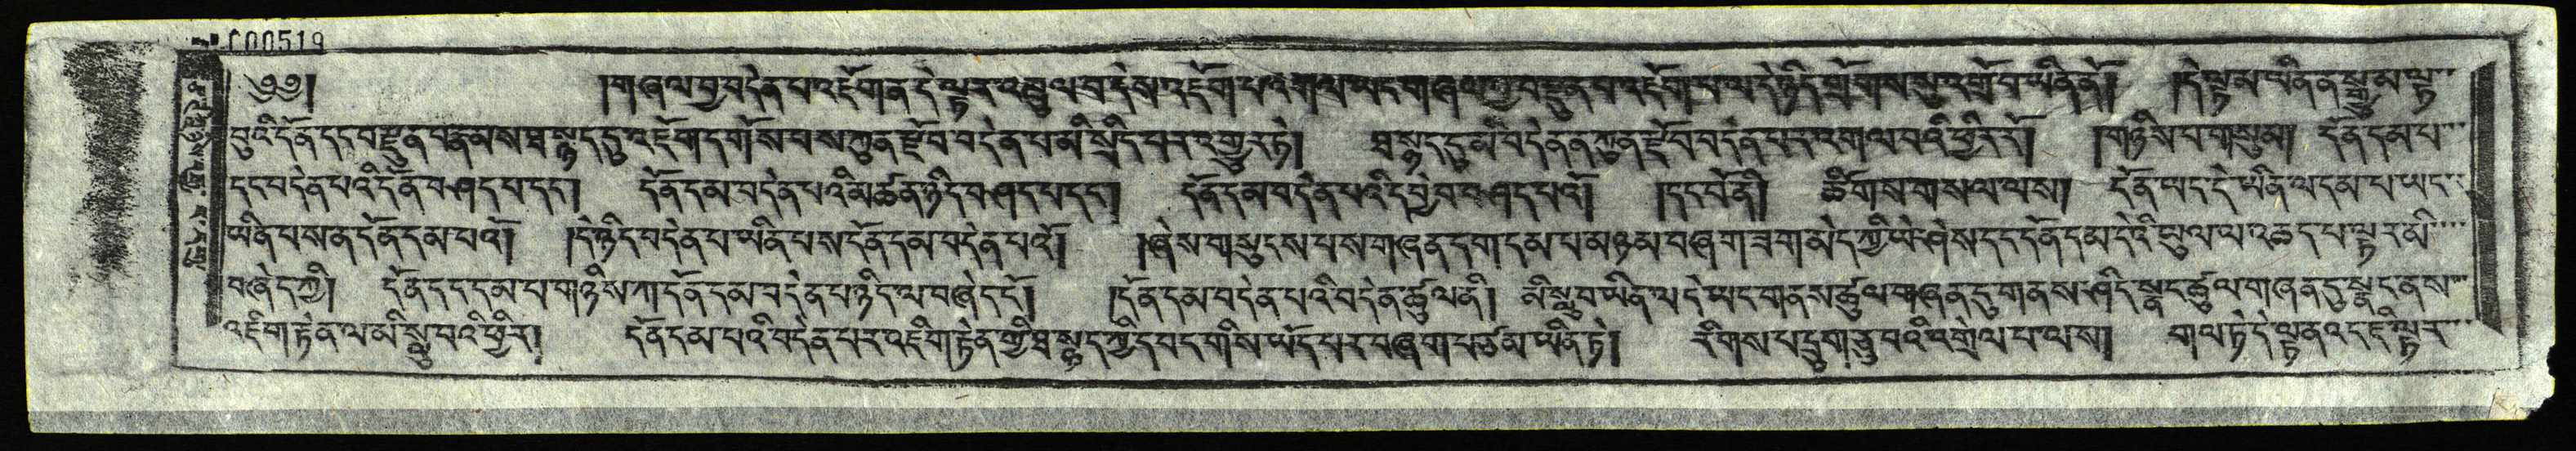༄༅། །གཞལ་བྱ་བདེན་པ་འཇིག་ན་དེ་ལྟར་འཁྲུལ་བ་དེས་འཇོག་པ་འགལ་ཡང་གཞལ་བྱ་བརྫུན་པ་འཇོག་པ་ལ་དེ་ཉིད་གྲོགས་སུ་འགྲོ་བ་ཡིན་ནོ། །དེ་ལྟ་མ་ཡིན་ན་སྒྱུ་མ་ལྟ་
བུའི་དོན་དང་བརྫུན་པ་རྣམས་ཐ་སྙད་དུ་འཇོག་དགོས་པས་ཀུན་རྫོབ་བདེན་པ་མི་སྲིད་པར་འགྱུར་ཏེ། ཐ་སྙད་དུ་མི་བདེན་ན་ཀུན་རྫོབ་བདེན་པར་འགལ་བའི་ཕྱིར་རོ། །གཉིས་པ་གསུམ། དོན་དམ་པ་
དང་བདེན་པའི་དོན་བཤད་པ་དང་། དོན་དམ་བདེན་པའི་མཚན་ཉིད་བཤད་པ་དང་། དོན་དམ་བདེན་པའི་དབྱེ་བ་བཤད་པའོ། །དང་པོ་ནི། ཚིགས་གསལ་ལས། དོན་ཡང་དེ་ཡིན་ལ་དམ་པ་ཡང་
ཡིན་པས་ན་དོན་དམ་པའོ། །དེ་ཉིད་བདེན་པ་ཡིན་པས་དོན་དམ་བདེན་པའོ། །ཞེས་གསུངས་པས་གཞན་དག་དམ་པ་མཉམ་བཞག་ཟག་མེད་ཀྱི་ཡེ་ཤེས་དང་དོན་དམ་དེའི་ཡུལ་ལ་འཆད་པ་ལྟར་མི་
བཞེད་ཀྱི། དོན་དང་དམ་པ་གཉིས་ཀ་དོན་དམ་བདེན་པ་ཉིད་ལ་བཞེད་དོ། །དོན་དམ་བདེན་པའི་བདེན་ཚུལ་ནི། མི་སླུ་བ་ཡིན་ལ་དེ་ཡང་གནས་ཚུལ་གཞན་དུ་གནས་ཤིང་སྣང་ཚུལ་གཞན་དུ་སྣང་ནས་
འཇིག་རྟེན་ལ་མི་སླུ་བའི་ཕྱིར། དོན་དམ་པའི་བདེན་པར་འཇིག་རྟེན་གྱི་ཐ་སྙད་ཀྱི་དབང་གིས་ཡོད་པར་བཞག་པ་ཙམ་ཡིན་ཏེ། རིགས་པ་དྲུག་ཅུ་པའི་འགྲེལ་པ་ལས། གལ་ཏེ་དེ་ལྟ་ནའང་ཇི་ལྟར་